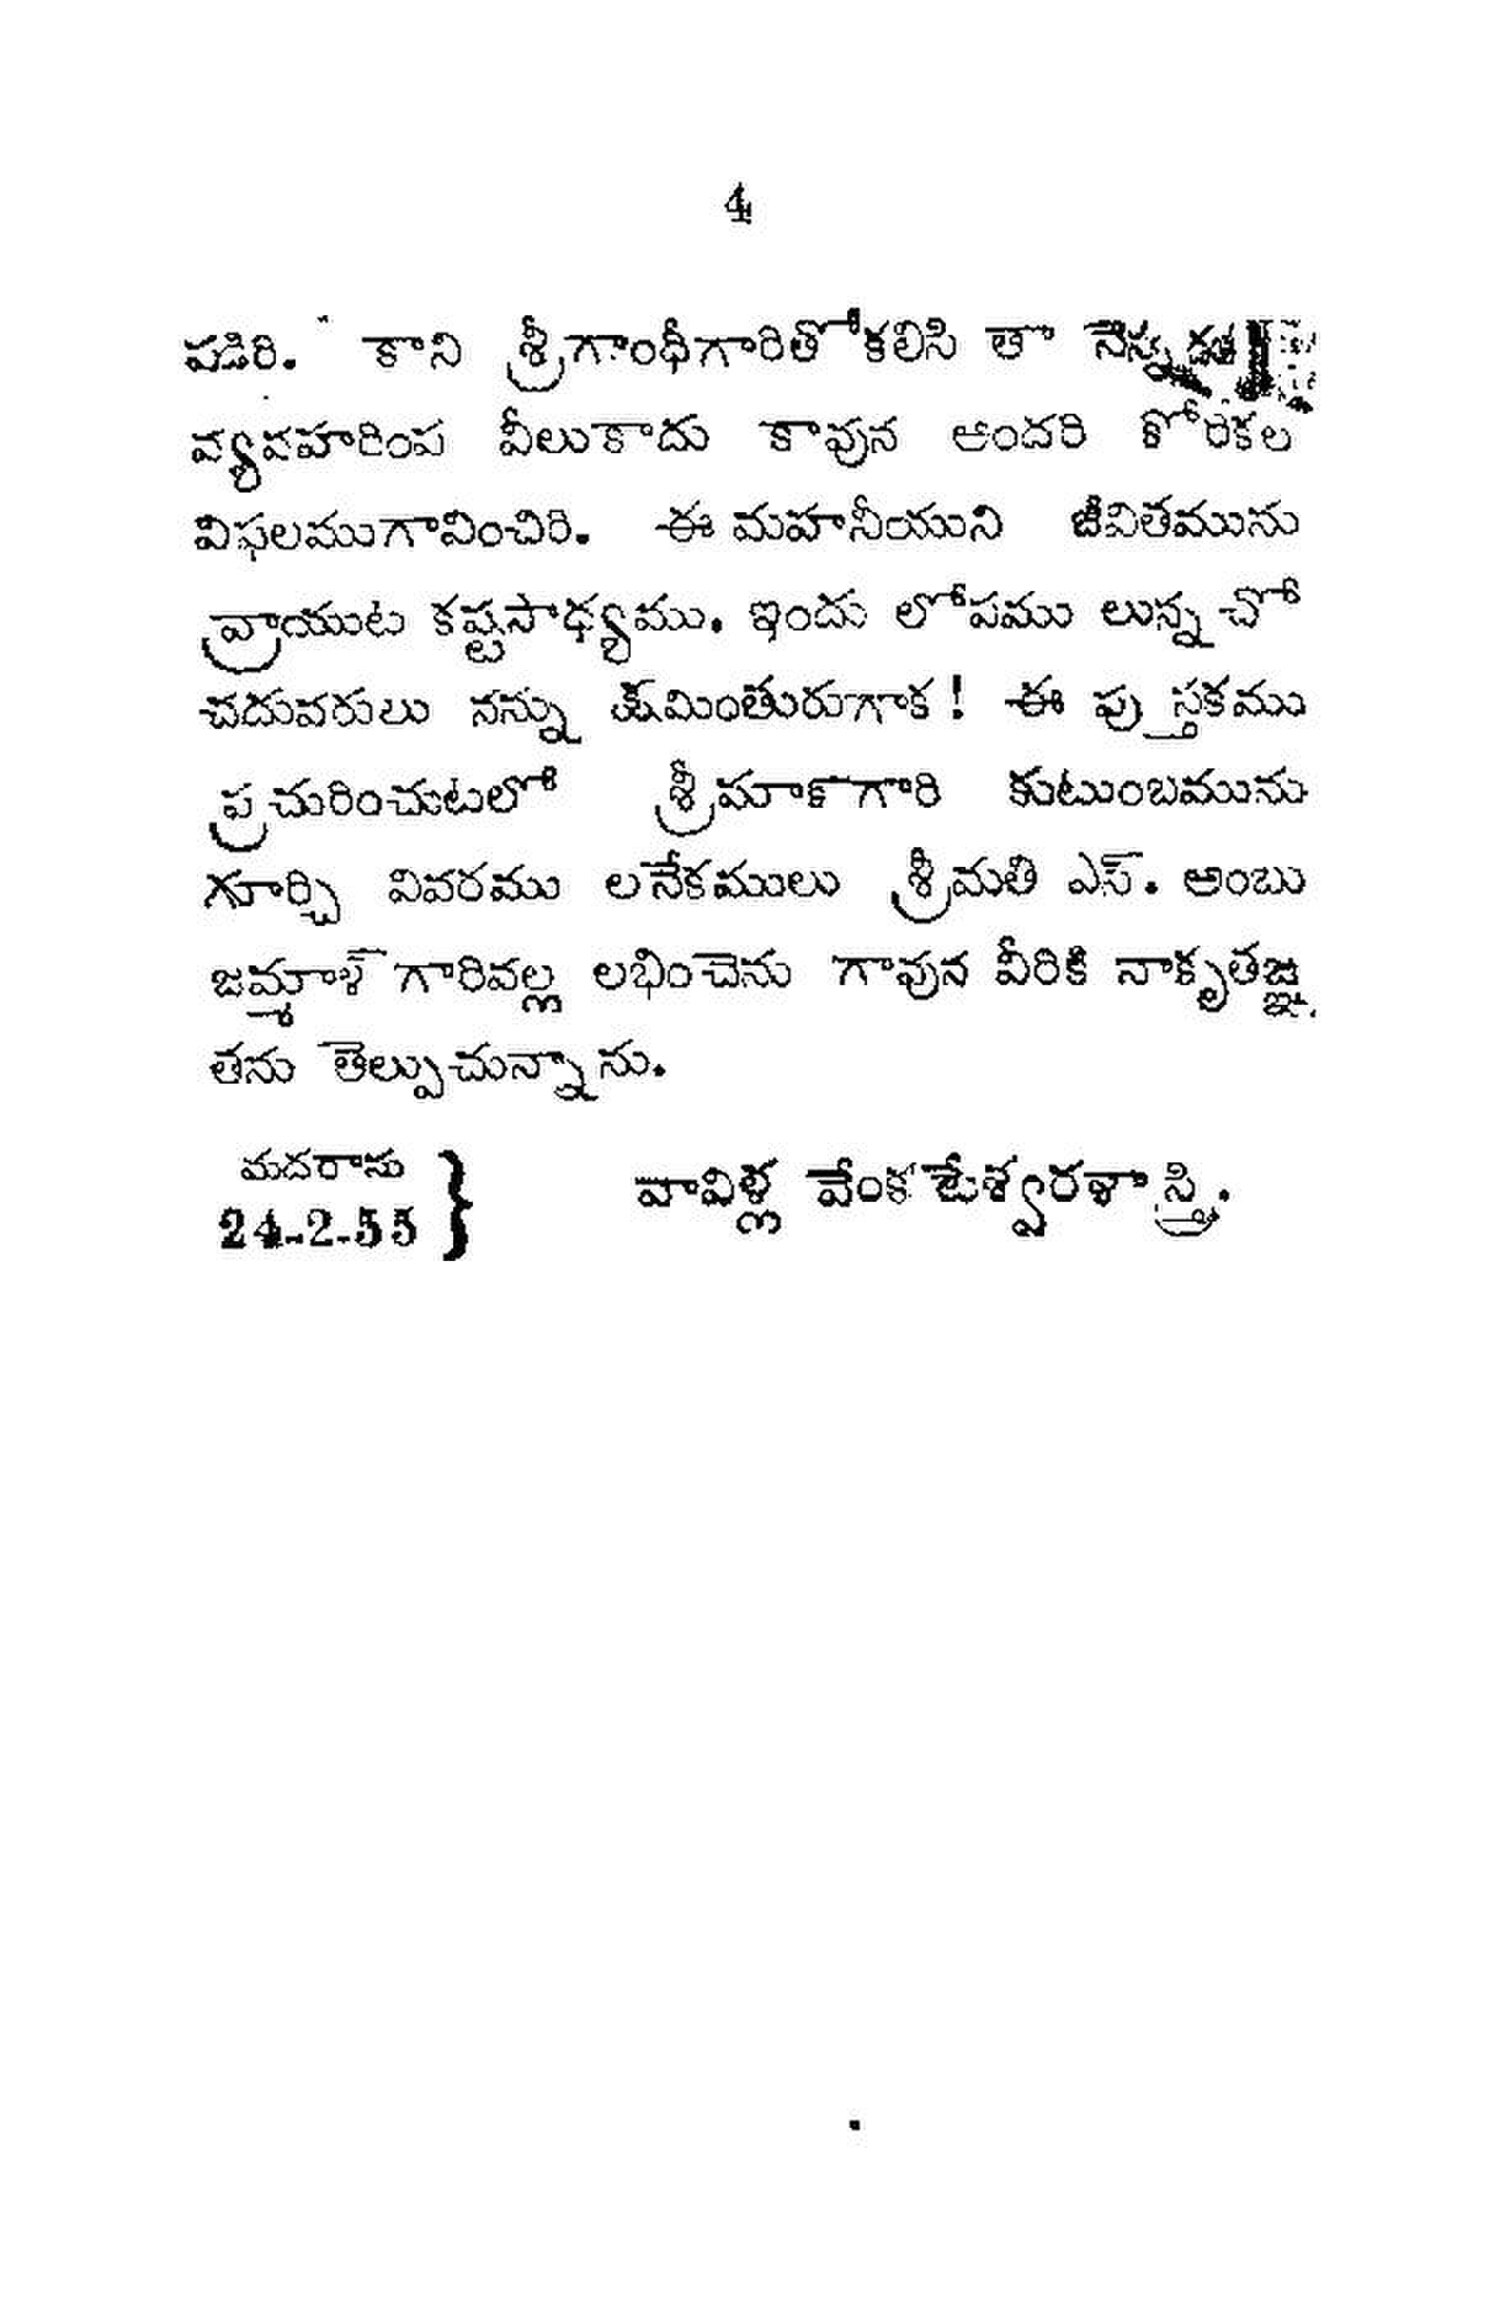పడిరి. కాని శ్రీగాంధీగారితోకలిసి తా నెన్నడు వ్యవహరింప వీలుకాదు కావున అందరి కోరికలు విఫలముగావించిరి. ఈ మహనీయుని జీవితమును వ్రాయుట కష్టసాధ్యము. ఇందు లోపము లున్నచో చదువరులు నన్ను క్షమింతురుగాక ! ఈ పుస్తకము ప్రచురించుటలో శ్రీమా౯గారి కుటుంబమును గూర్చి వివరము లనేకములు శ్రీమతి ఎస్. అంబుజమ్మాళ్ గారివల్ల లభించెను గావున వీరికి నాకృతజ్ఞతను తెల్పుచున్నాను.

మదరాసు 

24-2-55